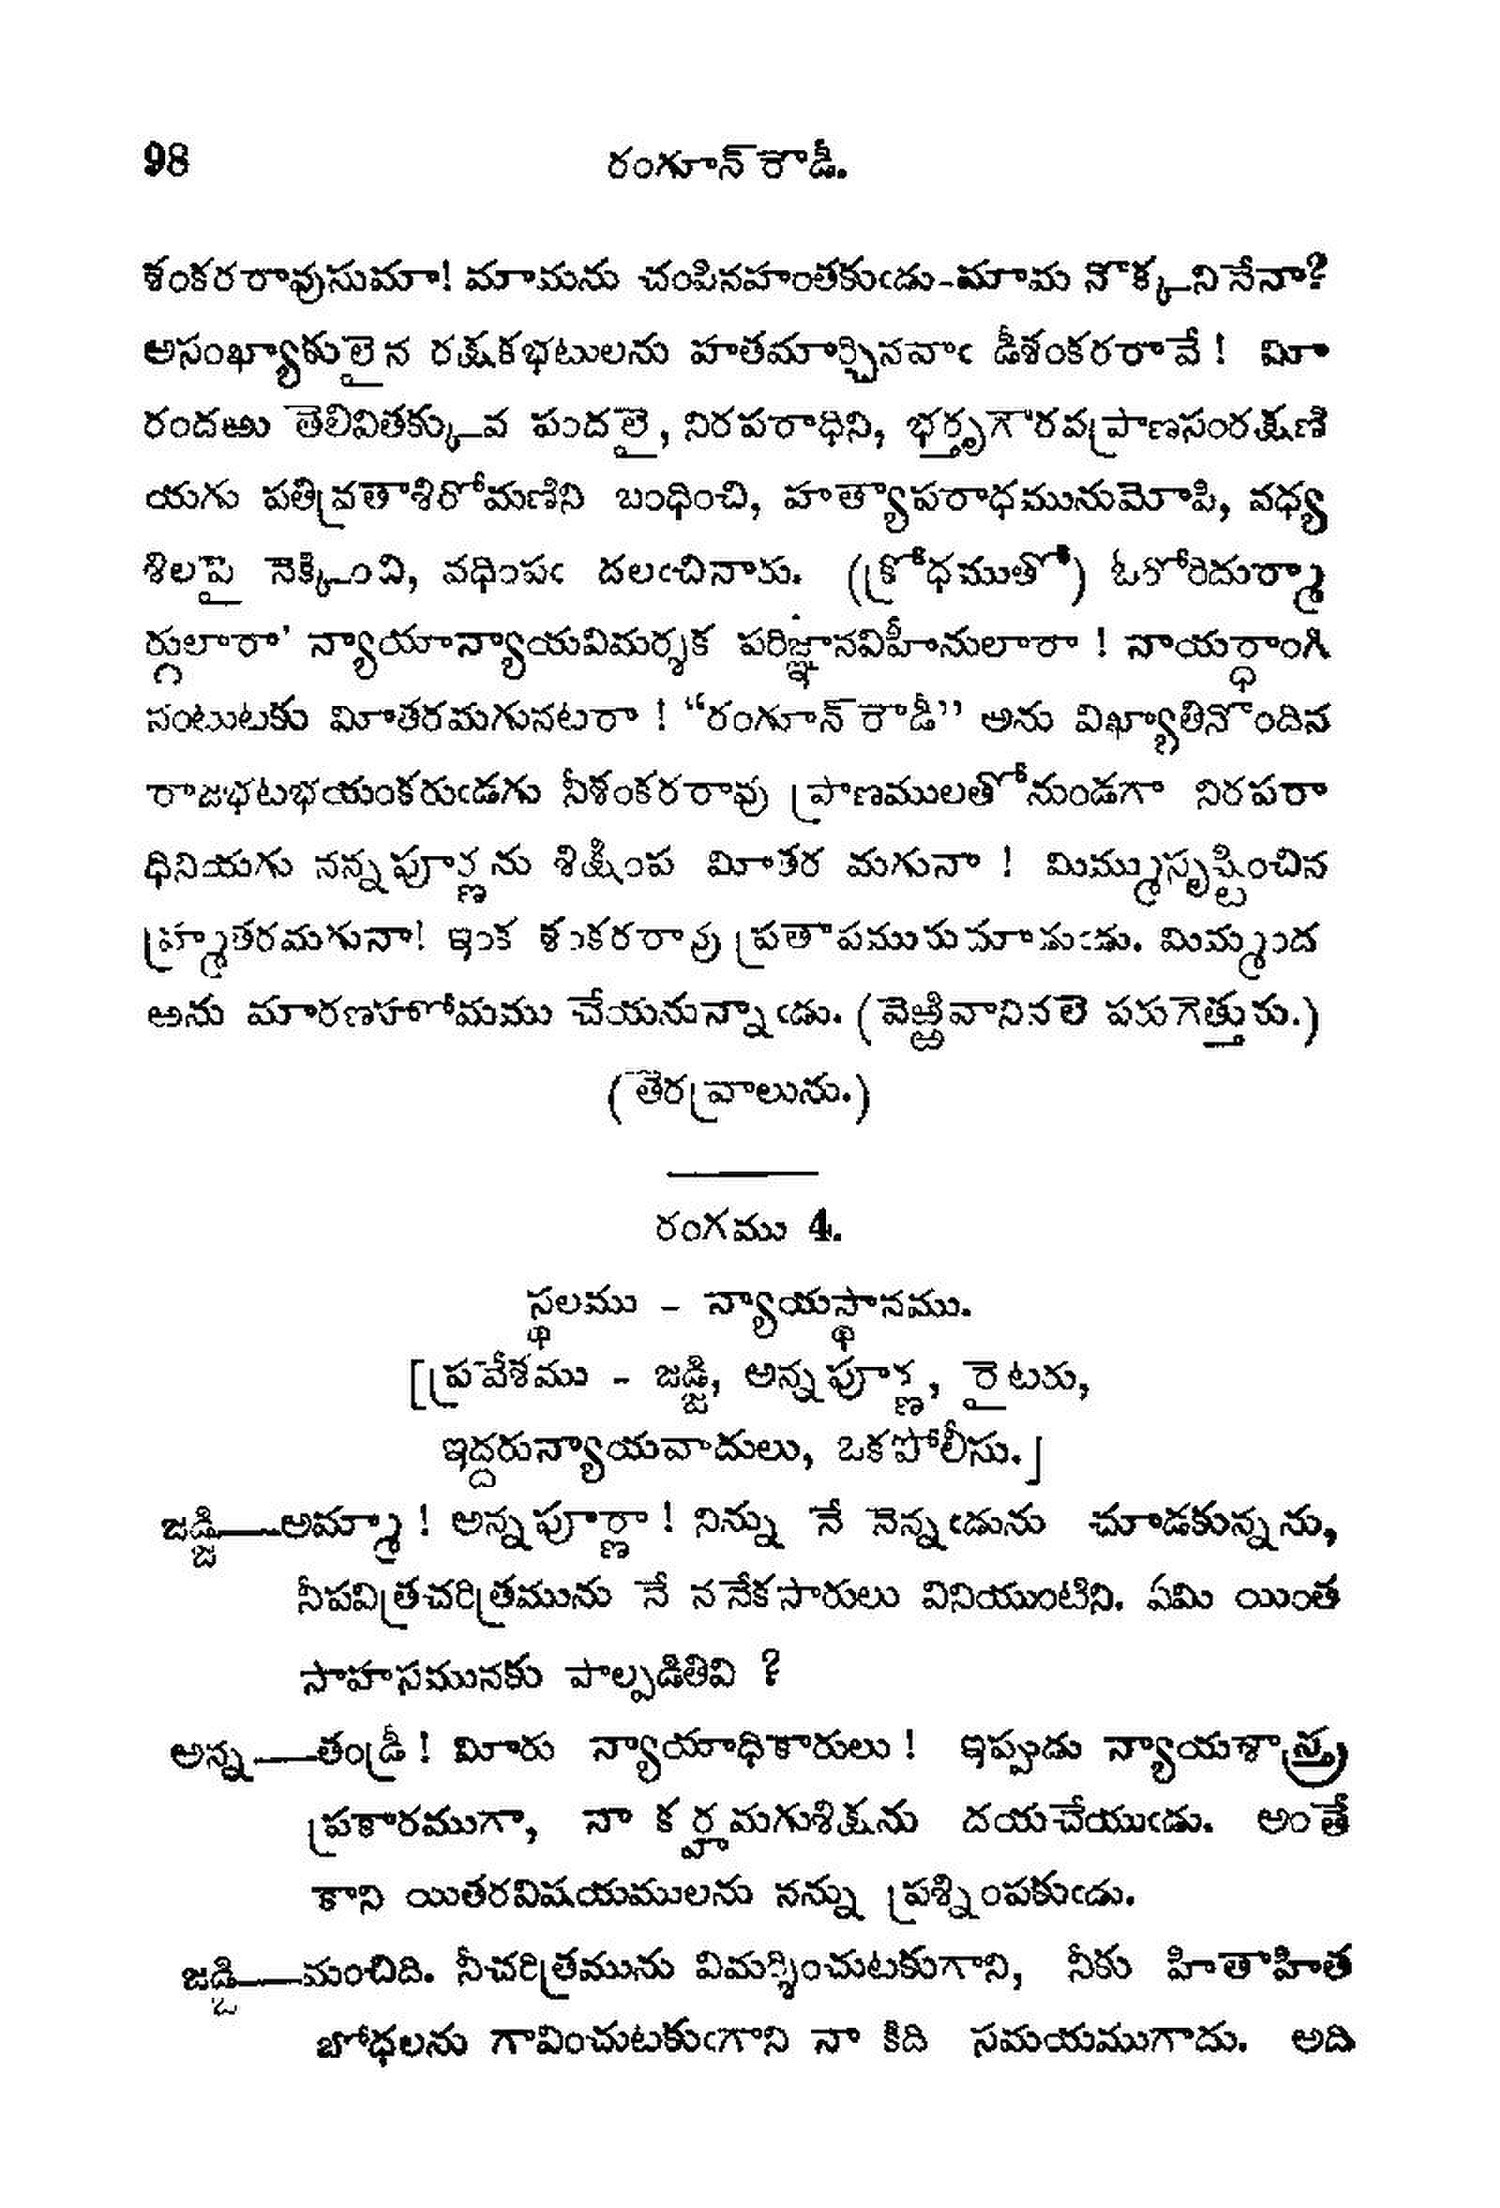శంకరరావుసుమా! మామను చంపినహంతకుఁడు-మామ నొక్కనినేనా? అసంఖ్యాకులైన రక్షకభటులను హతమార్చినవాఁ డీశంకరరావే ! మీరందఱు తెలివితక్కువ పందలై, నిరపరాధిని, భర్తృగౌరవప్రాణసంరక్షణి యగు పతివ్రతాశిరోమణిని బంధించి, హత్యాపరాధమునుమోపి, వధ్యశిలపై నెక్కించి, వధింపఁ దలఁచినారు. (క్రోధముతో) ఓరోరిదుర్మార్గులారా' న్యాయాన్యాయవిమర్శక పరిజ్ఞాన విహీనులారా ! నాయర్ధాంగి నంటుటకు మీతరమగునటరా ! "రంగూన్‌రౌడీ” అను విఖ్యాతినొందిన
రాజుభటభయంకరుఁడగు నీశంకరరావు ప్రాణములతోనుండగా నిరపరాధినియగు నన్నపూర్ణను శిక్షింప మీతర మగునా ! మిమ్ముసృష్టించిన బ్రహ్మతరమగునా! ఇంక శంకరరావు ప్రతాపమును చూడుఁడు, మిమ్మందఱను మారణహోమము చేయనున్నాఁడు. (వెఱ్ఱివానివలె పరుగెత్తును.)

జడ్జి - అమ్మా ! అన్నపూర్ణా ! నిన్ను నే నెన్నఁడును చూడకున్నను, నీపవిత్రచరిత్రమును నే ననేకసారులు వినియుంటిని. ఏమి యింత సాహసమునకు పాల్పడితివి ?

అన్న - తండ్రీ ! మీరు న్యాయాధికారులు ! ఇప్పుడు న్యాయశాస్త్ర ప్రకారముగా, నా కర్హమగుశిక్షను దయచేయుఁడు. అంతే కాని యితరవిషయములను నన్ను ప్రశ్నింపకుఁడు.

జడ్జి - మంచిది. నీచరిత్రమును విమర్శించుటకుగాని, నీకు హితాహిత బోధలను గావించుటకుఁగాని నా కిది సమయముగాదు. అది